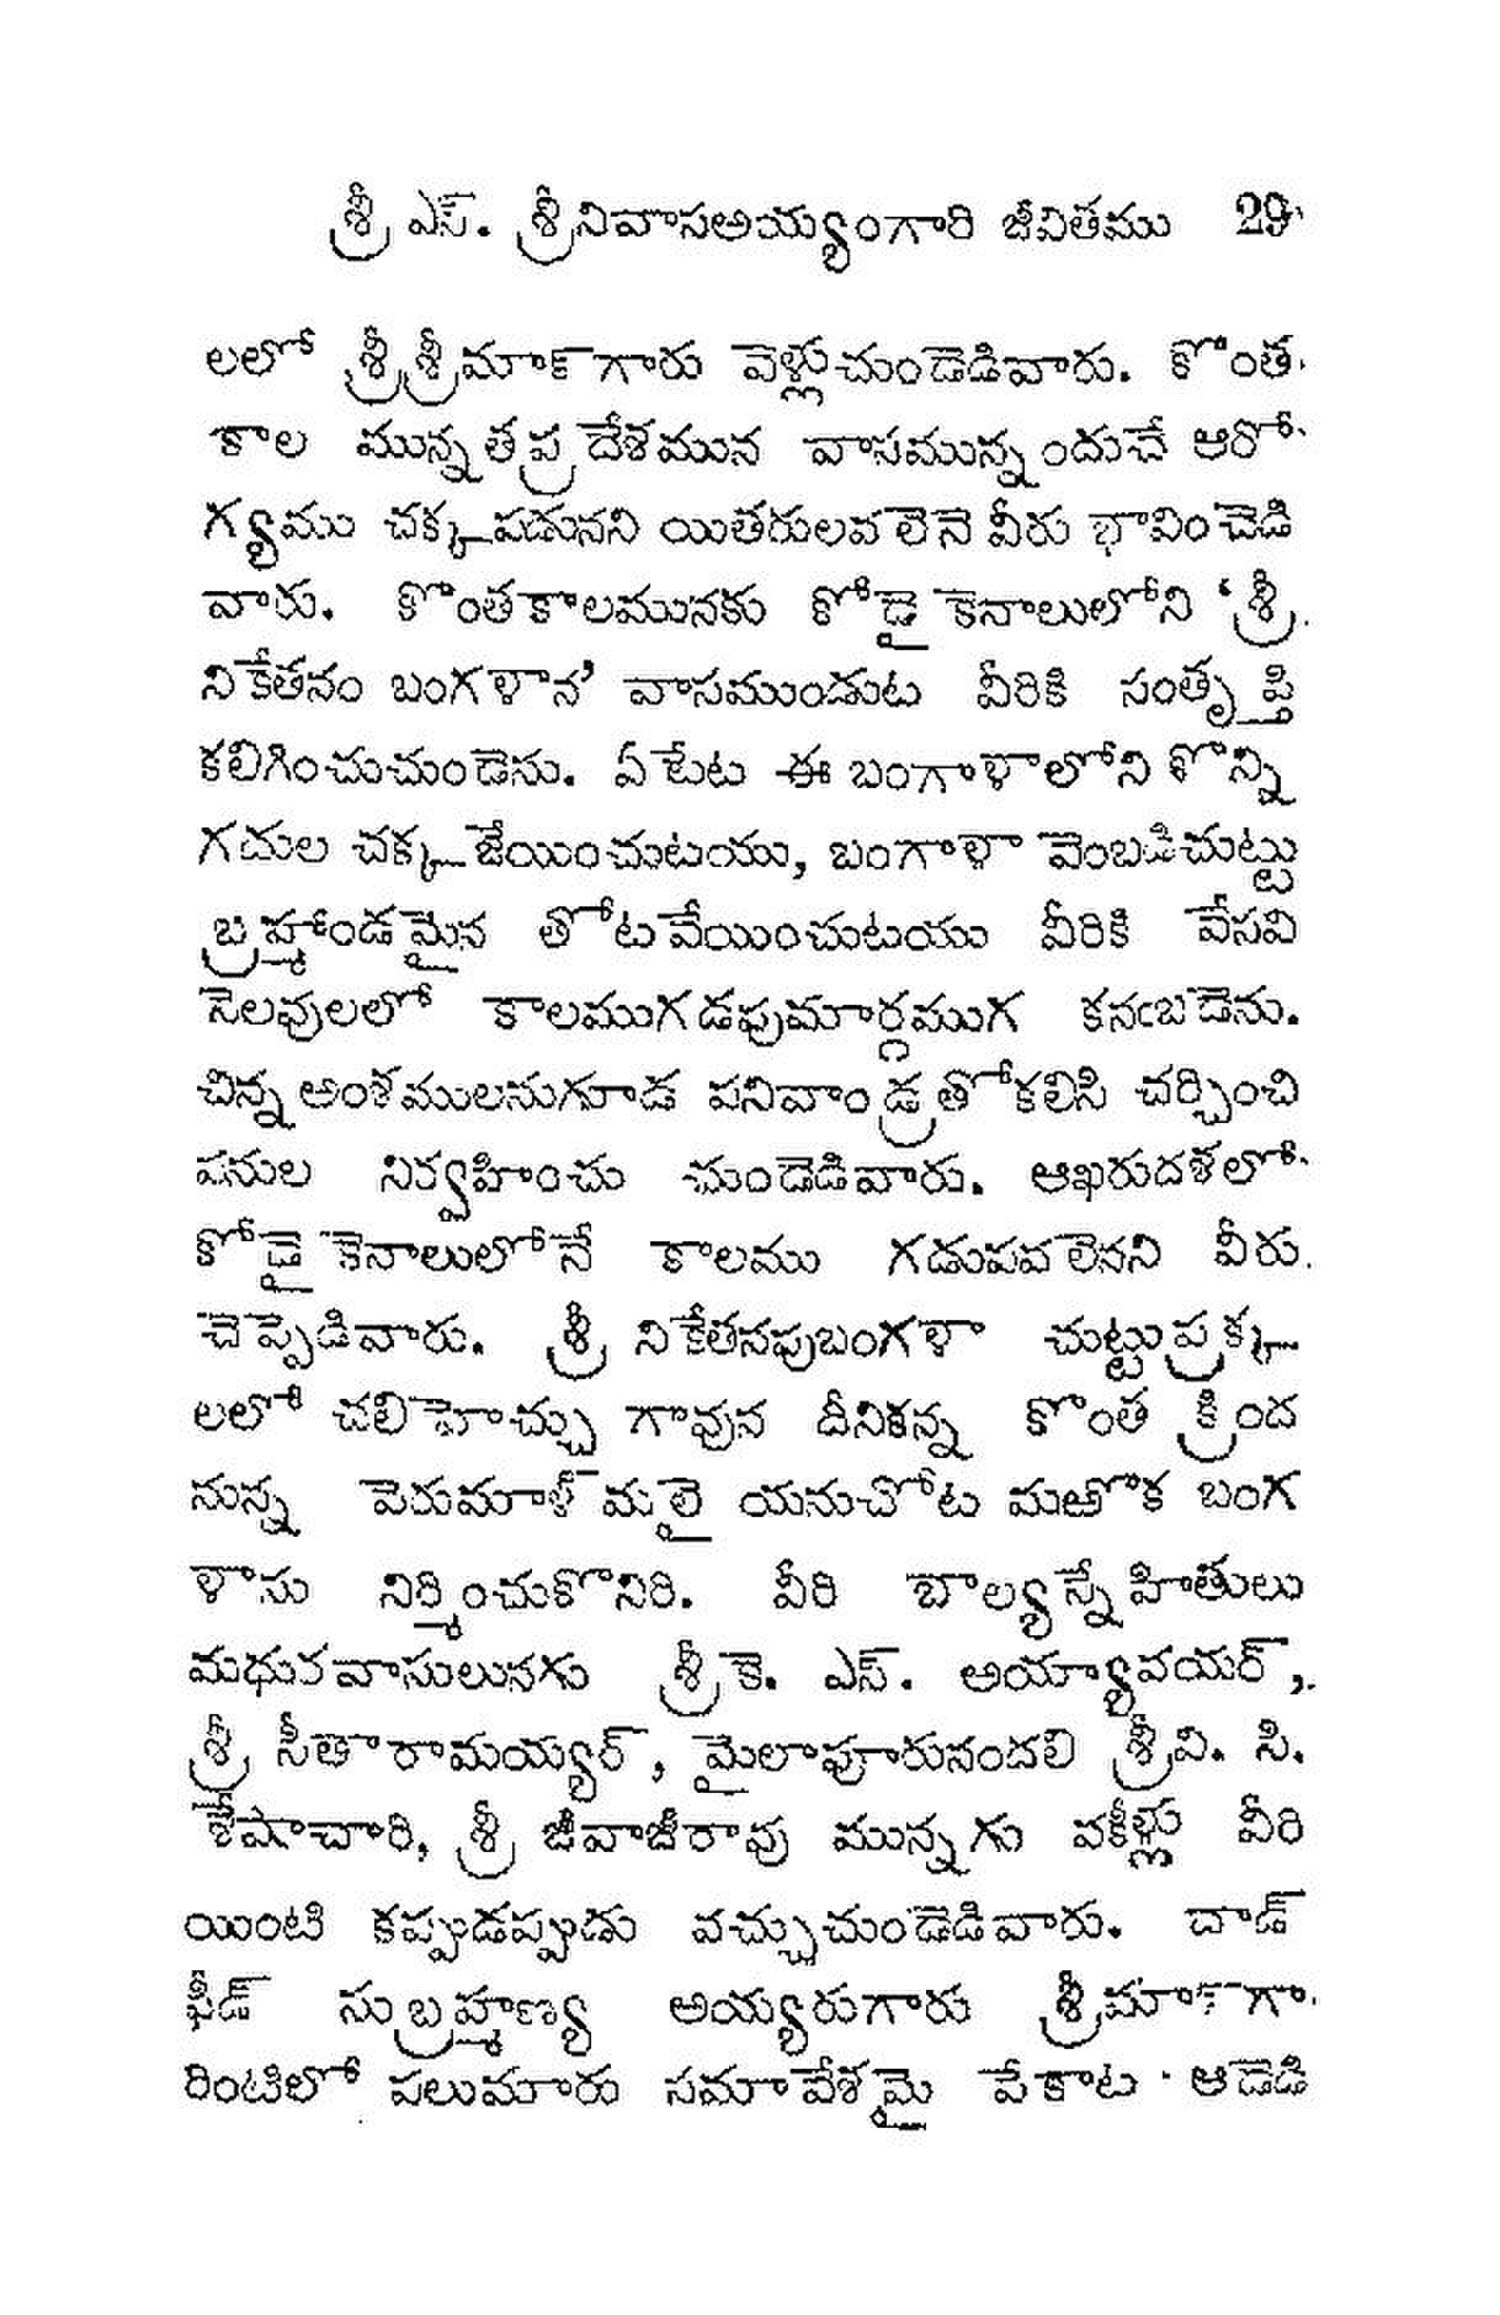లలో శ్రీశ్రీమా౯గారు వెళ్లుచుండెడివారు. కొంతకాల మున్నతప్రదేశమున వాసమున్నందుచే ఆరోగ్యము చక్కపడునని యితరులవలెనెవీరు భావించెడివారు. కొంతకాలమునకు కోడైకెనాలులోని 'శ్రీనికేతనం బంగళాన' వాసముండుట వీరికి సంతృప్తి కలిగించుచుండెను. ఏటేట ఈ బంగాళాలోని కొన్ని గదుల చక్కజేయించుటయు, బంగాళా వెంబడిచుట్టు బ్రహ్మాండమైన తోటవేయించుటయు వీరికి వేసవిసెలవులలో కాలముగడపుమార్గముగ కనఁబడెను. చిన్న అంశములనుగూడ పనివాండతోకలిసి చర్చించి పనుల నిర్వహించు చుండెడివారు. ఆఖరుదశలో కోడైకెనాలులోనే కాలము గడుపవలెనని వీరు చెప్పెడివారు. శ్రీ నికేతనపుబంగళా చుట్టుప్రక్కలలో చలిహెచ్చు గావున దీనికన్న కొంత క్రిందనున్న పెరుమాళ్ మలై యనుచోట మఱొక బంగళాను నిర్మించుకొనిరి. వీరి బాల్యస్నేహితులు మధురవాసులునగు శ్రీ కె. ఎస్. అయ్యావయర్, శ్రీ సీతారామయ్యర్, మైలాపూరునందలి శ్రీ వి. సి. శేషాచారి, శ్రీ జీవాజీరావు మున్నగు వకీళ్లు వీరి యింటి కప్పుడప్పుడు వచ్చుచుండెడివారు. చాడ్ ఫీడ్ సుబ్రహణ్య అయ్యరుగారు శ్రీమా౯గారింటిలో పలుమారు సమావేశమై పేకాట ఆడెడి